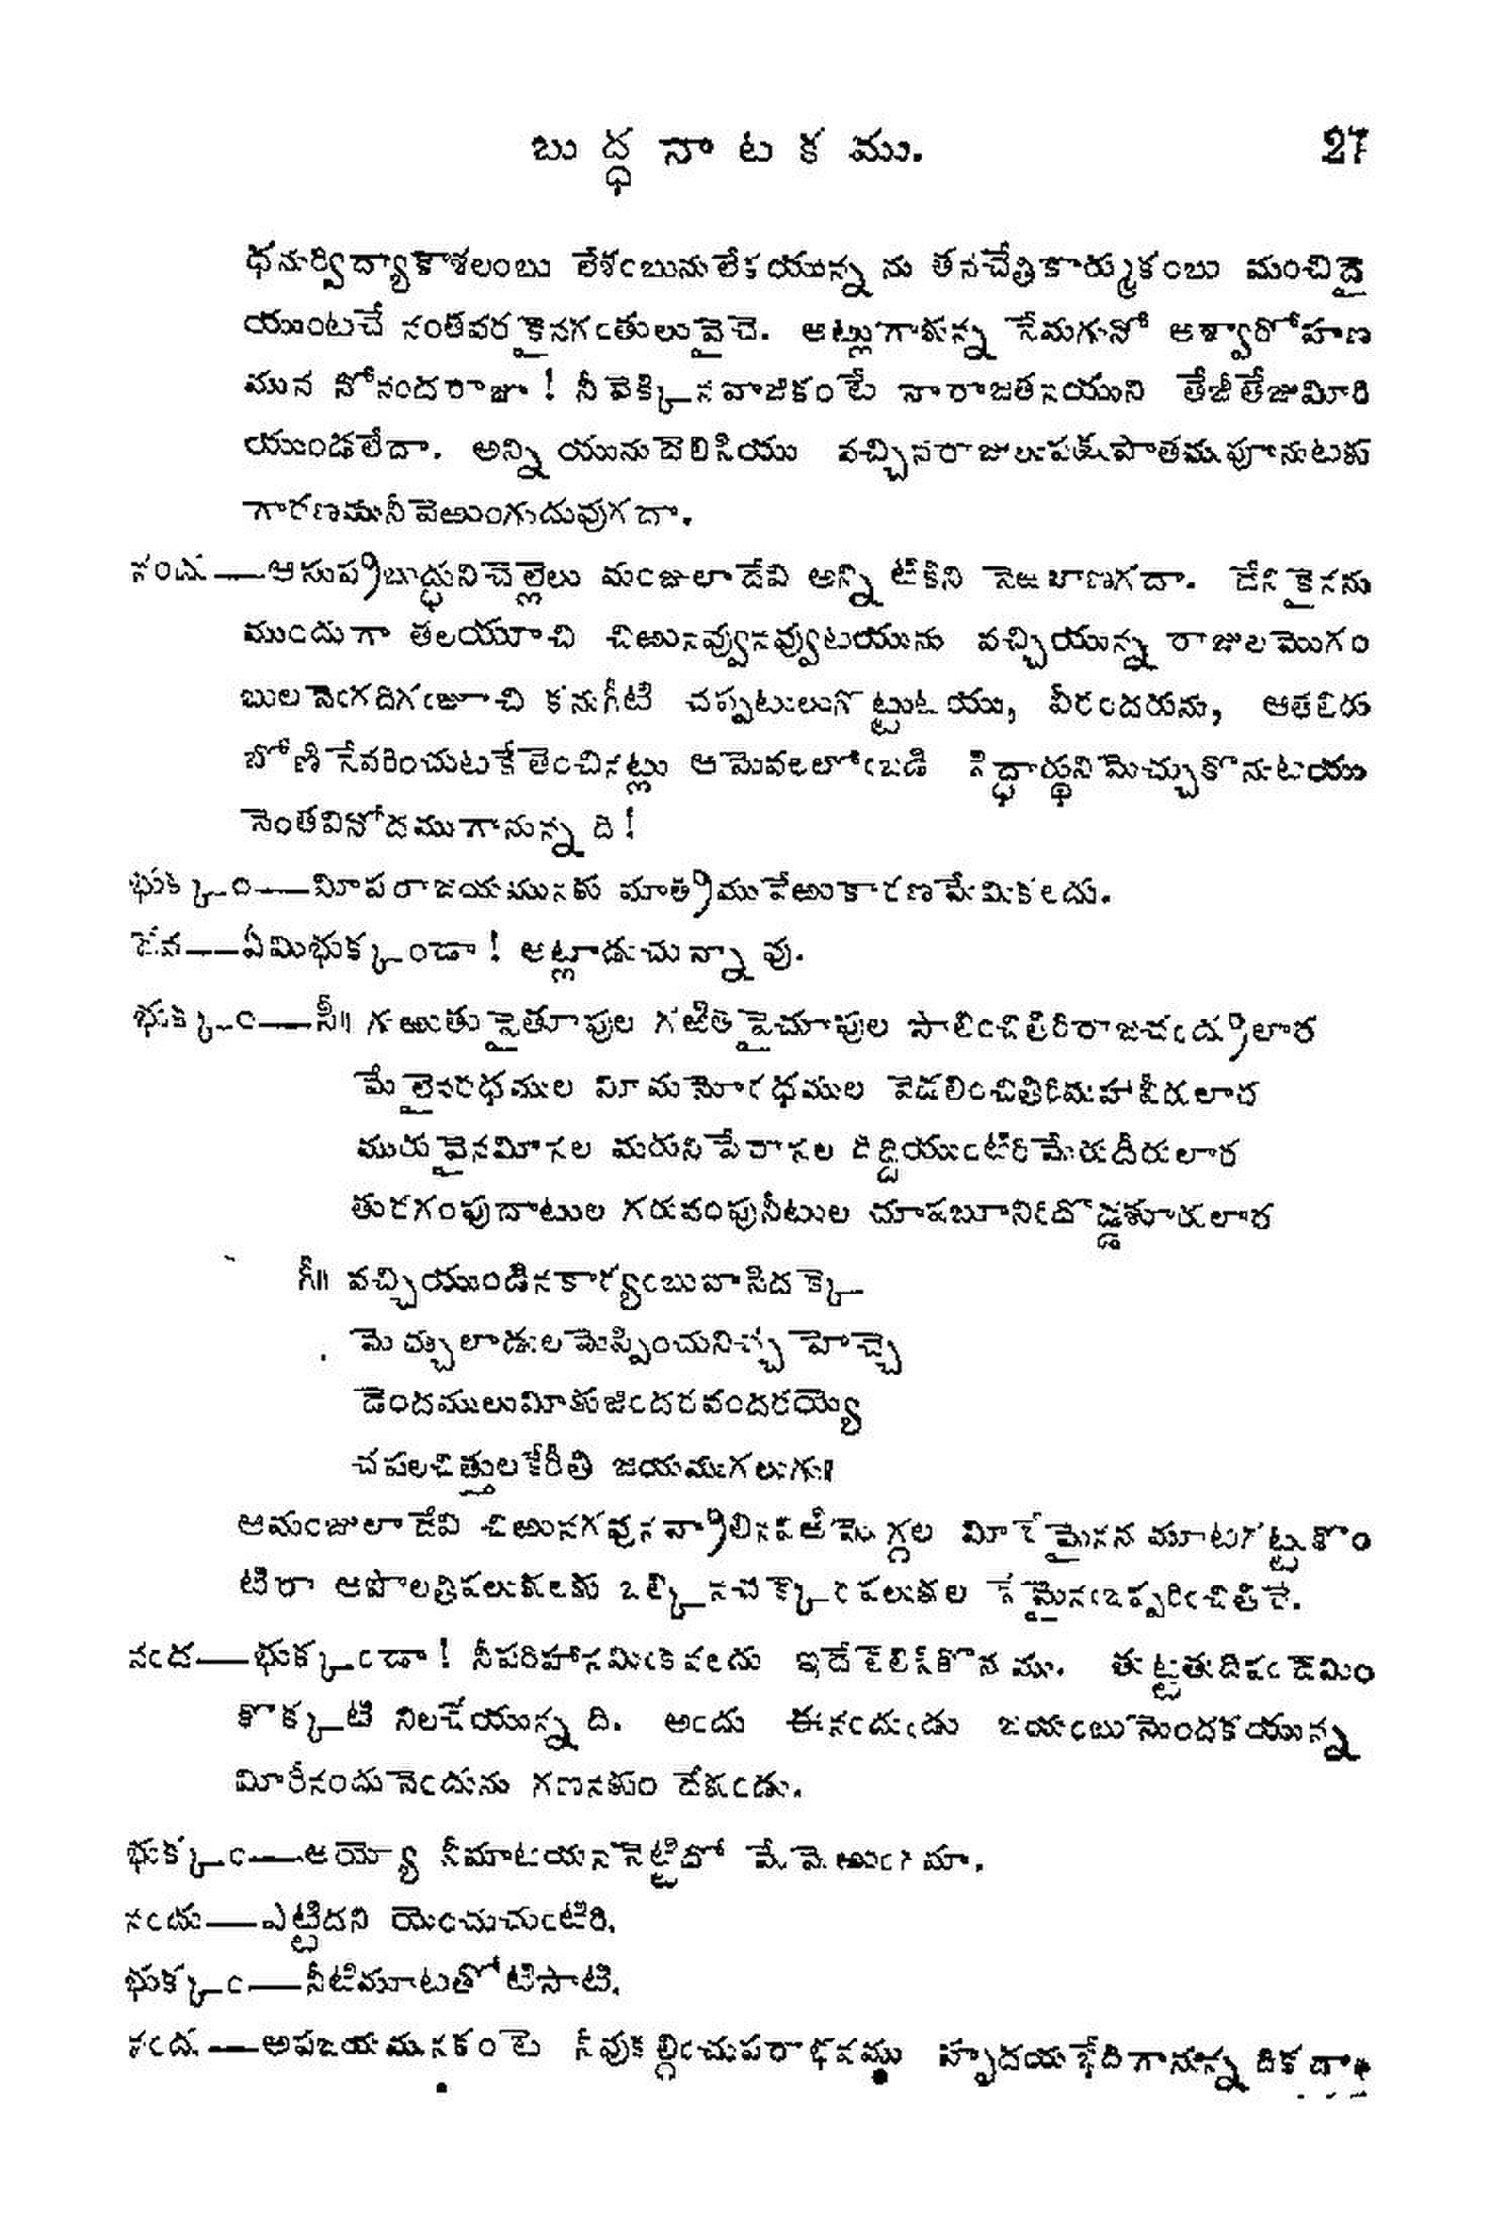ధనుర్విద్యాకాశలంబు లేశంబును లేక యున్నను తన చేతికార్ముకంబు మంచిదైయుంటచే ఇంతవరకైనగఁతులువైచె. అట్లుగాకున్న ప్రేమగునో ఆశ్వారోహణమున నోనందరాజ! నీ వెక్కినవాటికంటే నారాజతనయుని తేజీతేజుమీరి యుండలేదా. అన్నియును దెలిసియు వచ్చిన రాజులు పక్షపాతము పూనుటకు గారణమనీ వెఱుంగుదువుగదా.

నందు — ఆసుప్రబుద్ధుని చెల్లెలు మంజులాదేవి అన్నిటికిని నెలుజాణగదా. దేనికైనను ముందుగా తలయూచి చిఱునవ్వు నవ్వుటయును వచ్చియున్న రాజుల మొగంబుల నెఁగదిగఁజూచి కనుగీటి చప్పటులు గొట్టుటయు, వీరందరును, ఆతలిరుబోణి సేవరించుటకేతెంచినట్లు ఆమెవలలోఁబడి సిద్ధార్థుని మెచ్చుకొనఁటయు నెంతవినోదముగానున్నది!

భుక్కం — మి పరాజయమునకు మాత్రము వేఱుకారణమేమికలదు.

దేవ - ఏమి భుక్కండా! అట్లాడుచున్నావు.

భుక్కం - సీ॥ గుఱుతుపైతూపుల గణితపై చూపులు పాలించితిరిరాజచఁద్రుడలార
మేలైనరధముల మీమమోరధముల వెడలించితిరిమహావీరులార
మురువైనమిసల మరునిపేరాసల దిద్దియుంటిరిమేరుదీరులార
తురగంపుదాటుల గరువంపునీటుల చూపబూనిఁదొడ్డ శూరులార 

గీ॥ వచ్చియుండిన కార్యంబువాసిదక్కె
మెచ్చులాడులమెప్పించునిచ్చహెచ్చె
డెందములుమీకుజిఁదరవందరయ్యే
చపలచిత్తులకేరీతి జయముగలుగు॥

ఆమంజులా దేవి చిఱునగవున వ్రాలిన విఱిమొగ్గల మీరేమైనన మూటగట్టుకొంటిరా ఆపొలతిపలుకులకు ఒల్కినచక్కెరపలుకల 
నేమైనఁఒప్పరించితిరే.

నంద — భుక్కండా! నీపరిహాసమిఁకవలదు ఇదేతెలిసికొనుము. తుట్టతుదిపందెమింకొక్కటి నిలచేయున్నది. అందు ఈనందుఁడు 
జయంబునెందకయున్న మీరీనెందును గణనకుం దేకుండు.

భుక్కం - ఆయ్యో సీమాటయననెట్టిదో మేమెఱుంరమా. 

నందు — ఎట్టిదని యెంచుచుంటిరి.

భుక్కం - నీటిమూటతోటిపాటి.

నందు - అపజయమనకంటె నీవు కల్గించుపరాభవము హృదయభేదిగానున్నదికదా!